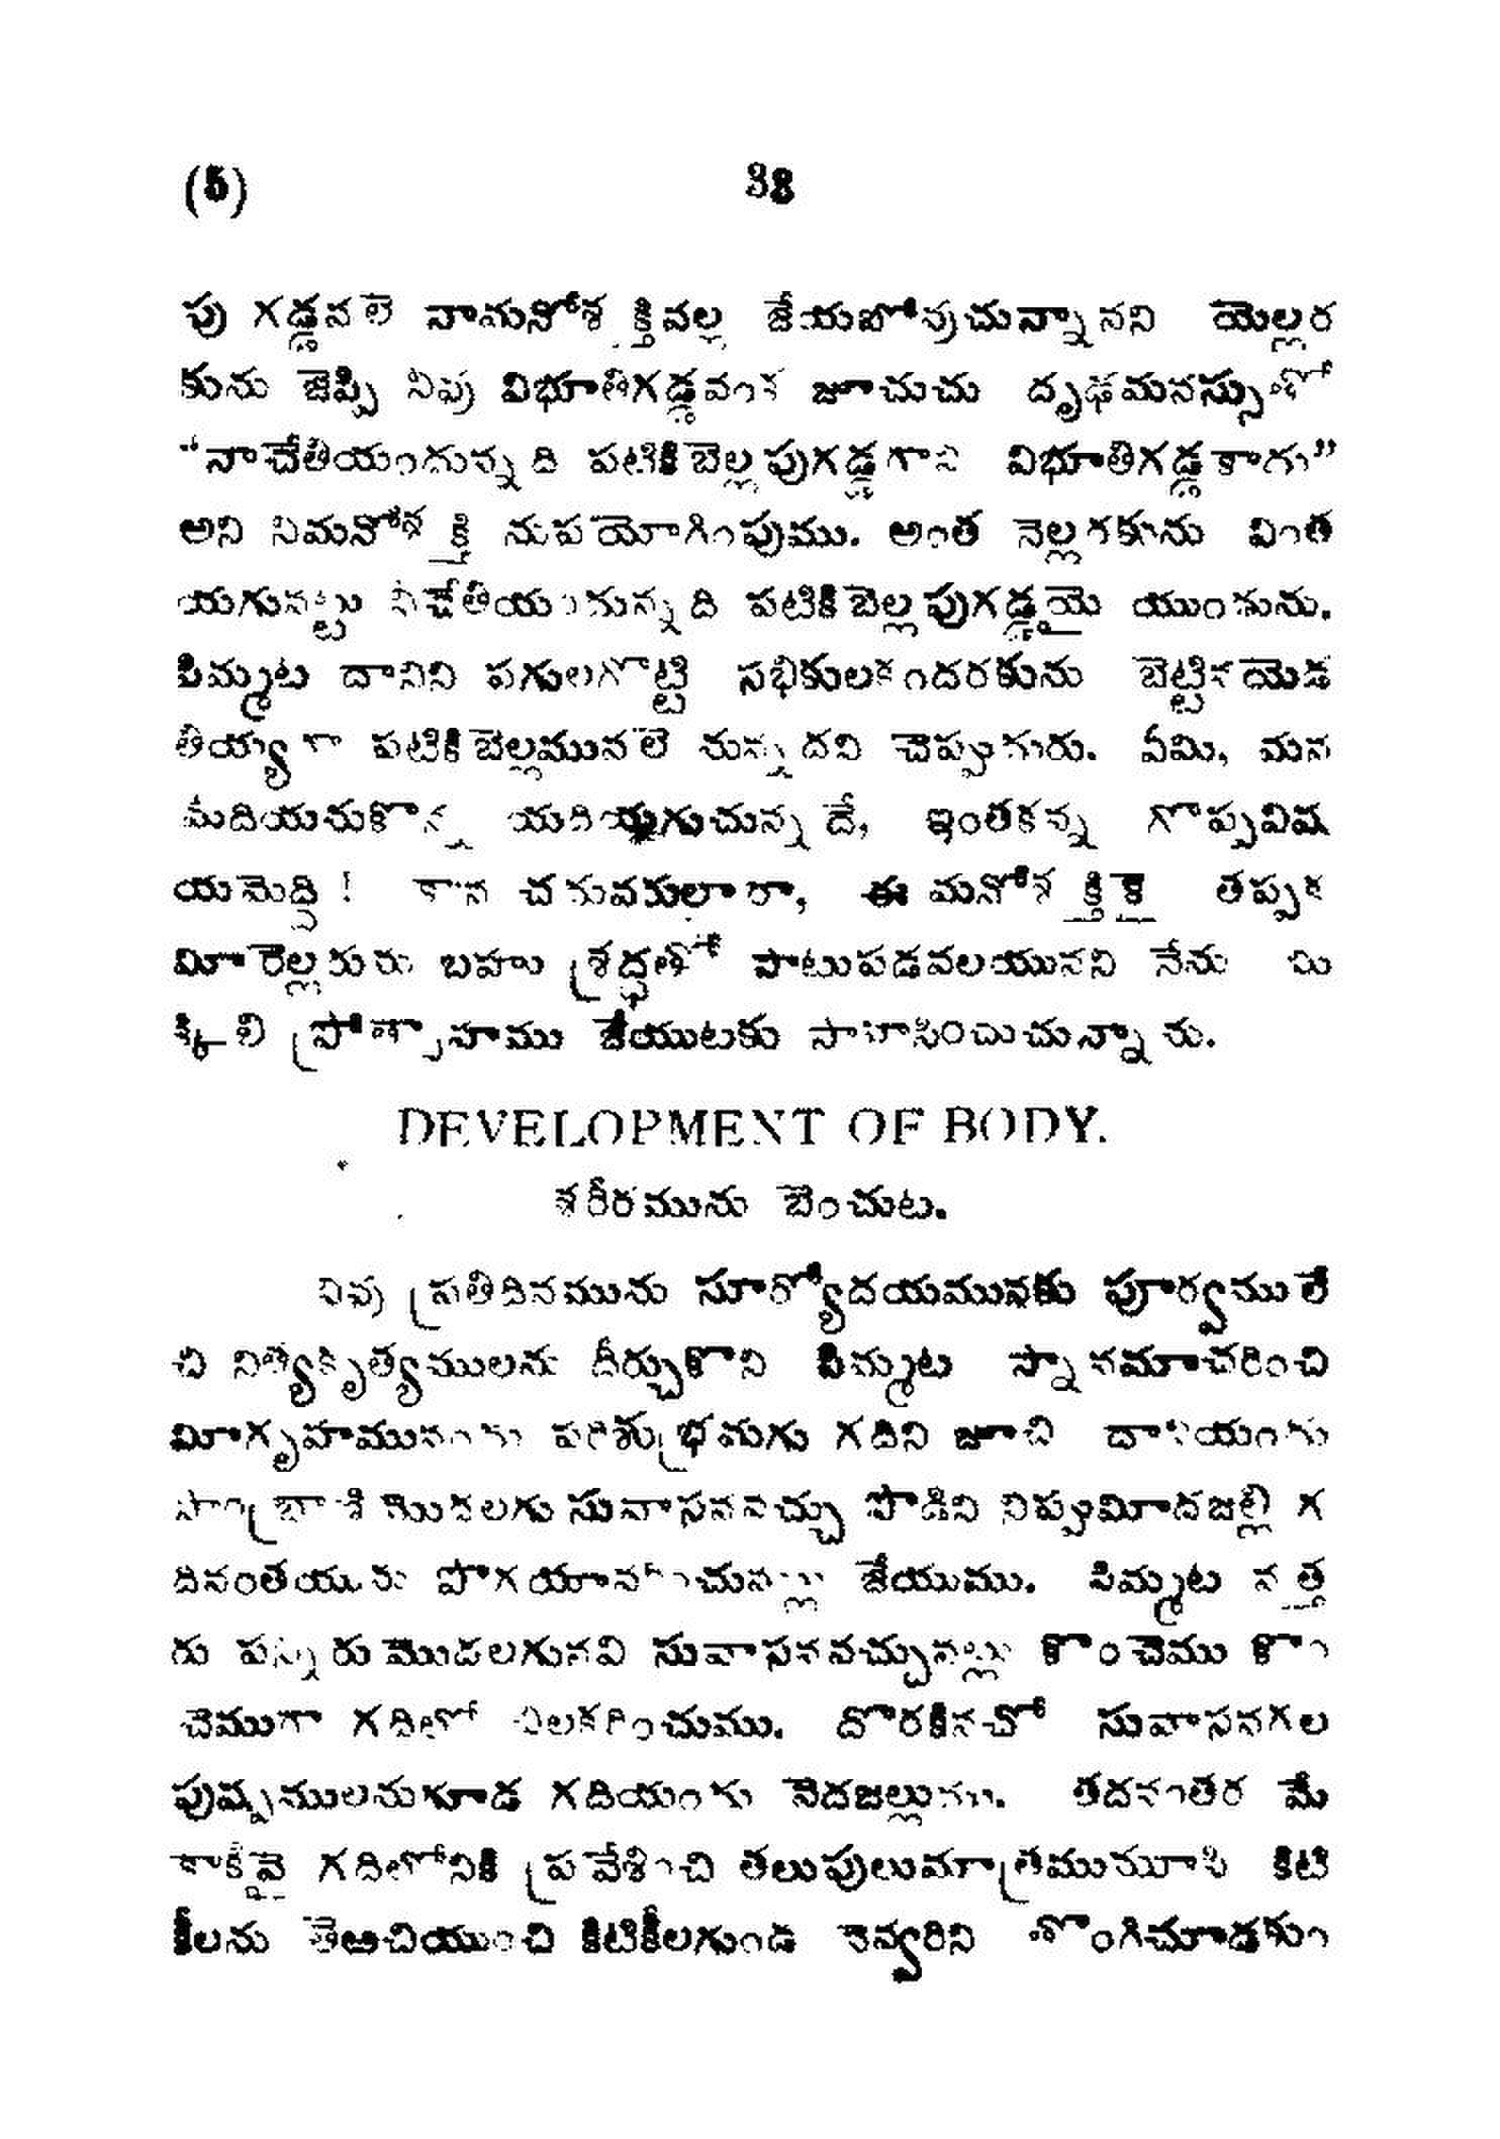పు గడ్డవలె నామనోశక్తివల్ల జేయబోవుచున్నానని యెల్లరకును జెప్పి నీవు విభూతిగడ్డవంక జూచుచు దృఢమనస్సుతో “నాచేతియందున్నది పటికిబెల్లపుగడ్డగాని విభూతిగడ్డకాదు” అని నీమనోశక్తి నుపయోగింపుము. అంత నెల్లరకును వింతయగునట్టు నీచేతీయందున్నది పటికిబెల్లపుగడ్డయై యుండును. పిమ్మట దానిని పగులగొట్టి సభికులకందరకును బెట్టినయెడ తియ్యగా పటికిబెల్లమువలె నున్నదని చెప్పుదురు. ఏమి, మన మేదియనుకొన్న యదియగుచున్నదే, ఇంతకన్న గొప్పవిషయమెద్ది ! కాన చదువరులారా, ఈ మనోశక్తికై తప్పక మీరెల్లరును బహు శ్రద్ధతో పాటుపడవలయునని నేను మిక్కిలి ప్రోత్సాహము చేయుటకు సాహసించుచున్నాను.

నీవు ప్రతిదినమును సూర్యోదయమునకు పూర్వములేచి నిత్యకృత్యములను దీర్చుకొని పిమ్మట స్నానమాచరించి మీగృహమునందు పరిశుభ్రమగు గదిని జూచి దానియందు సాంబ్రాణి మొదలగు సువాసనవచ్చు పొడిని నిప్పుమీదజల్లి గదినంతయును పొగయానదించునట్లు జేయుము. పిమ్మట నత్తరు పన్నీరు మొదలగునవి సువాసనవచ్చునట్లు కొంచెము కొంచెముగా గదిలో చిలకరించుము. దొరకినచో సువాసనగల పుష్పములనుగూడ గదియందు వెదజల్లుము. తదనంతర మే కాకివై గదిలోనికి ప్రవేశించి తలుపులుమాత్రముమూసి కిటికీలను తెఱచియుంచి కిటికీలగుండ నెవ్వరిని
తొంగిచూడకుం